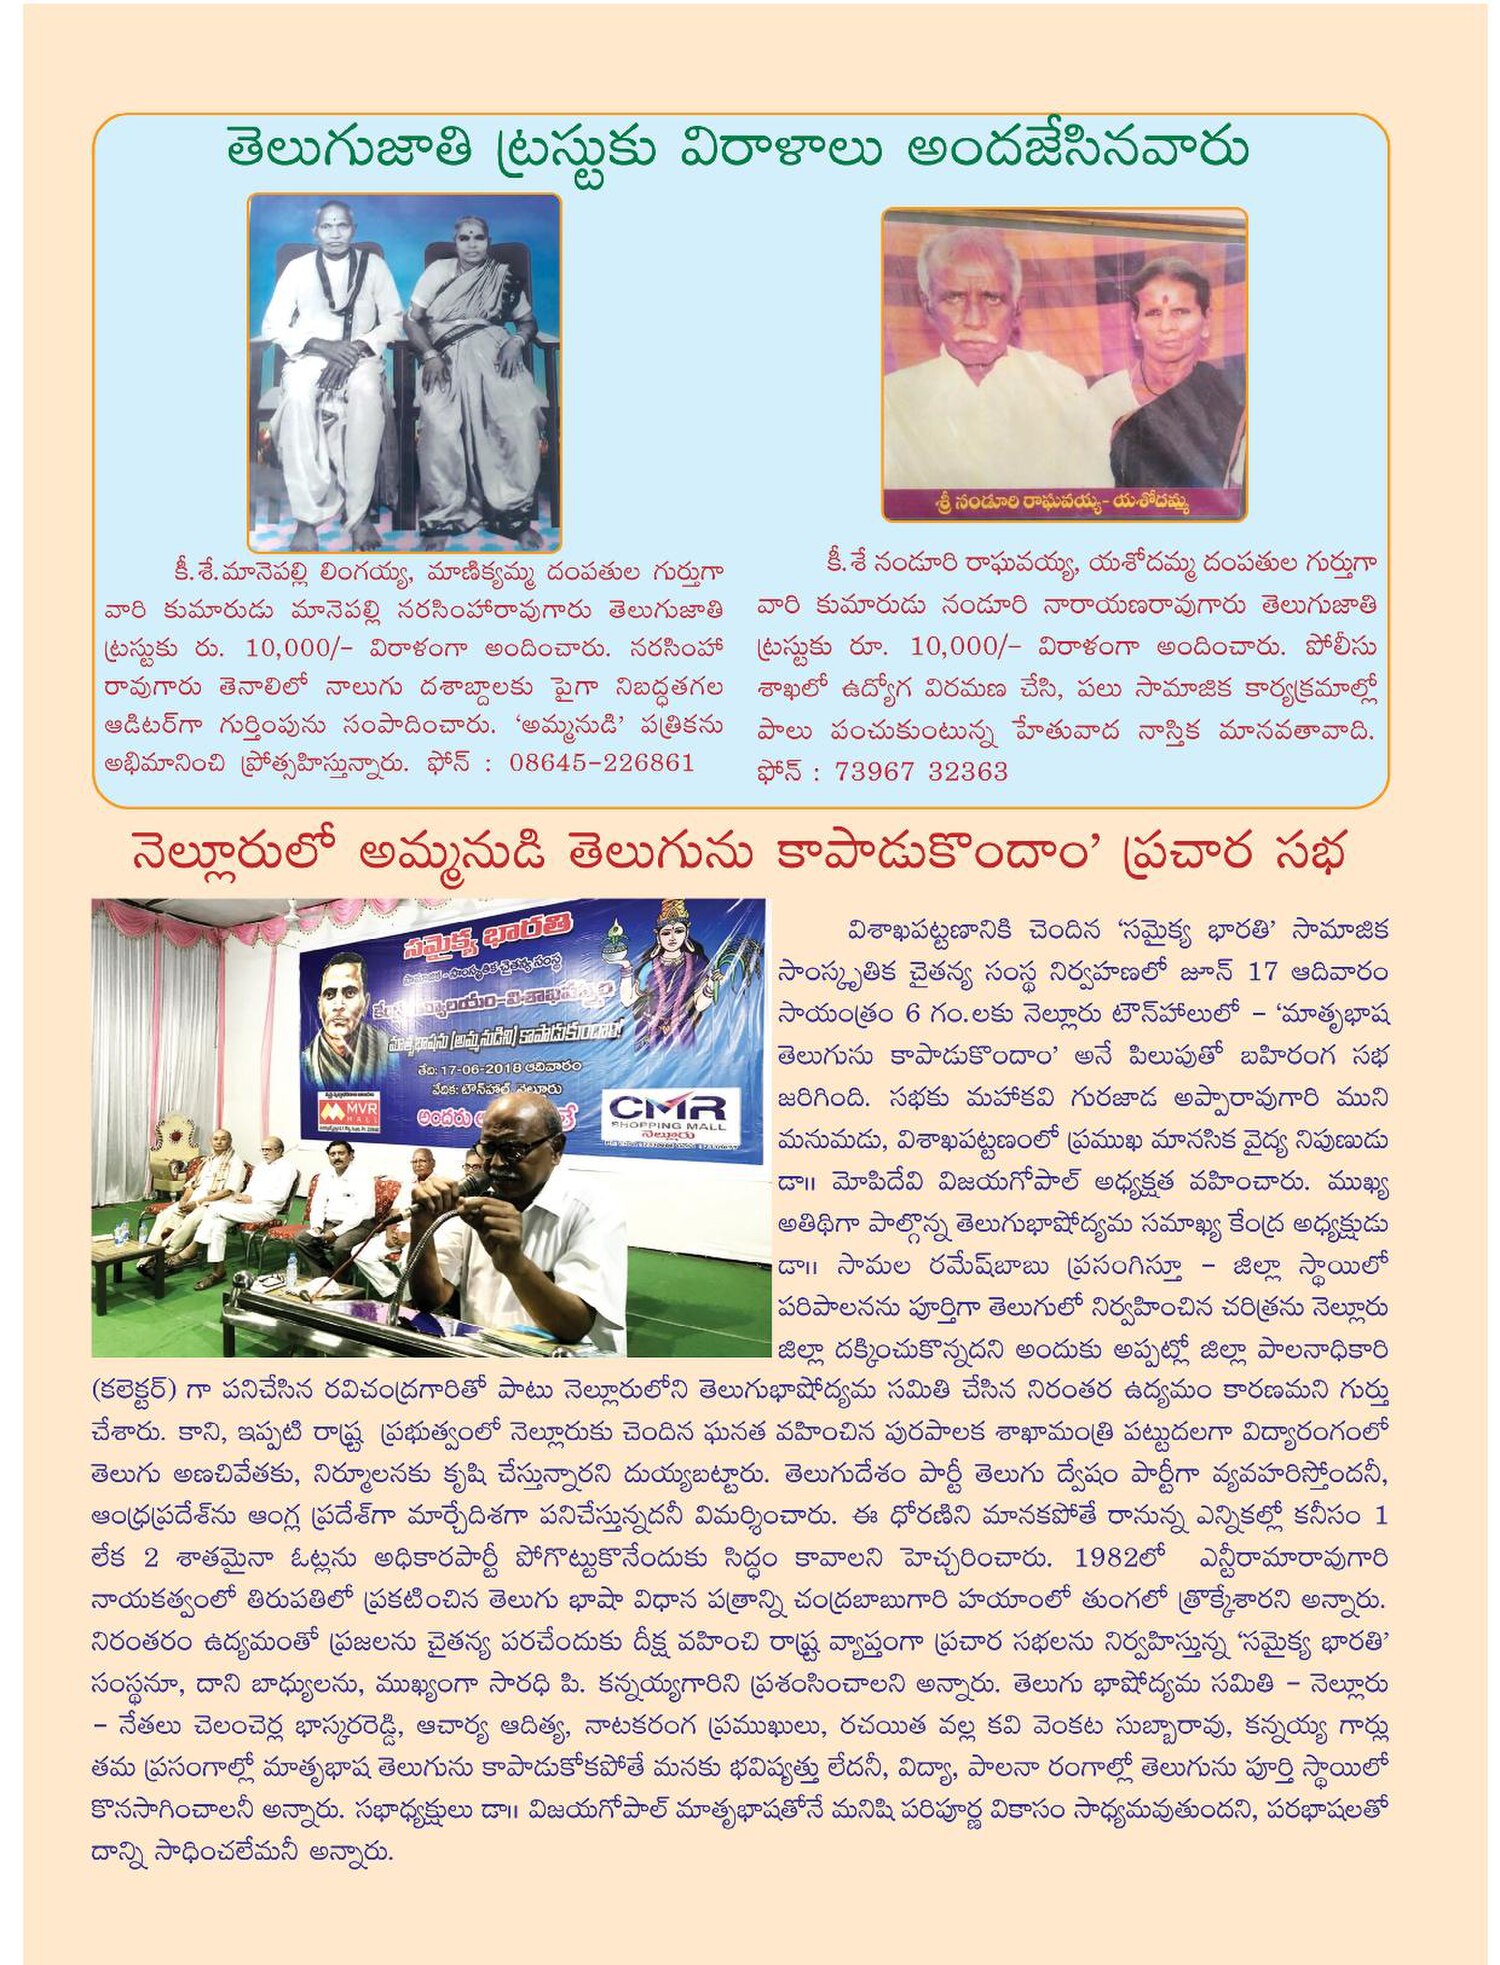తెలుగుజాతి ట్రస్టుకు విరాళాలు అందజేసినవారు

క్రీ. శే. మానెపల్లి లింగయ్య, మాణిక్యమ్మ దంపతుల గుర్తుగా వారి కుమారుడు మానెపల్లి నరసింహారావుగారు తెలుగుజాతి ట్రస్టుకు రు. 10,000/- విరాళంగా అందించారు. నరసింహారావుగారు తెనాలిలో నాలుగు దశాబ్దాలకు పైగా నిబద్ధతగల ఆడిటర్‌గా గుర్తింపును సంపాదించారు. 'అమ్మనుడి' పత్రికను అభిమానించి ప్రోత్సహిస్తున్నారు. ఫోన్‌ : 08645-226861 

కీ. శే. నండూరి రాఘవయ్య యశోదమ్మ దంపతుల గుర్తుగా వారి కుమారుడు నండూరి నారయణరావుగారు తెలుగుజాతి ట్రస్టుకు రూ. 10,000/- విరాళంగా అందించారు. పోలీసు శాఖలో ఉద్యోగ విరమణ చేసి, పలు సామాజిక కార్యక్రమాల్లో పాలు పంచుకుంటున్న హేతువాద నాస్తిక మానవతావాది. ఫోన్ : 73967 32363

నెల్లూరులో అమ్మనుడి తెలుగును కాపాడుకొందాం' ప్రచార సభ

 

విశాఖపట్టణానికి చెందిన 'సమైక్య భారతి' సామాజిక సాంస్కృతిక చైతన్య సంస్థ నిర్వహణలో జూన్ 17 ఆదివారం సాయంత్రం 6 గం.లకు నెల్లూరు టౌన్‌హాలులో - 'మాతృభాష తెలుగును కాపాడుకొందాం' అనే పిలుపుతో బహిరంగ సభ జరిగింది. సభకు మహాకవి గురజాడ అప్పారావుగారి మునిమనుమడు, విశాఖపట్టణంలో ప్రముఖ మానసిక వైద్య నిపుణుడు డా॥ మోపిదేవి విజయగోపాల్‌ అధ్యక్షత వహించారు. ముఖ్య అతిథిగా పాల్గొన్న తెలుగుభాషోద్యమ సమాఖ్య కేంద్ర అధ్యక్షుడు డా॥ సామల రమేష్‌బాబు ప్రసంగిస్తూ - జిల్లా స్థాయిలో పరిపాలనను పూర్తిగా తెలుగులో నిర్వహించిన చరిత్రను నెల్లూరు జిల్లా దక్కించుకొన్నదని అందుకు అప్పట్లో జిల్లా పాలనాధికారి (కలెక్టర్‌) గా పనిచేసిన రవిచంద్రగారితో పాటు నెల్లూరులోని తెలుగుభాషోద్యమ సమితి చేసిన నిరంతర ఉద్యమం కారణమని గుర్తు చేశారు. కాని, ఇప్పటి రాష్ట్ర ప్రభుత్వంలో నెల్లూరుకు చెందిన ఘనత వహించిన పురపాలక శాఖామంత్రి పట్టుదలగా విద్యారంగంలో తెలుగు అణచివేతకు, నిర్మూలనకు కృషి చేస్తున్నారని దుయ్యబట్టారు. తెలుగుదేశం పార్టీ తెలుగు ద్వేషం పార్టీగా వ్యవహరిస్తోందనీ, ఆంధ్రప్రదేశ్‌ను ఆంగ్ల ప్రదేశ్‌గా మార్చేదిశగా పనిచేస్తున్నదనీ విమర్శించారు. ఈ ధోరణిని మానకపోతే రానున్న ఎన్నికల్లో కనీసం 1 లేక 2 శాతమైనా ఓట్లను అధికారపార్టీ పోగొట్టుకొనేందుకు సిద్ధం కావాలని హెచ్చరించారు. 1982లో ఎన్టీరామారావుగారి నాయకత్వంలో తిరుపతిలో ప్రకటించిన తెలుగు భాషా విధాన పత్రాన్ని చంద్రబాబుగారి హయాంలో తుంగలో త్రొక్కేశారని అన్నారు. నిరంతరం ఉద్యమంతో ప్రజలను చైతన్య పరచేందుకు దీక్ష వహించి రాష్ట్ర వ్యాప్తంగా ప్రచార సభలను నిర్వహిస్తున్న 'సమైక్య భారతి' సంస్థనూ, దాని బాధ్యులను, ముఖ్యంగా సారధి పి. కన్నయ్యగారిని ప్రశంసించాలని అన్నారు. తెలుగు భాషోద్యమ సమితి - నెల్లూరు - నేతలు చెలంచెర్ల భాస్కరరెడ్డి, ఆచార్య ఆదిత్య, నాటకరంగ ప్రముఖులు, రచయిత వల్ల కవి వెంకట సుబ్బారావు, కన్నయ్య గార్లు తమ ప్రసంగాల్లో మాతృభాష తెలుగును కాపాడుకోకపోతే మనకు భవిష్యత్తు లేదనీ, విద్యా, పాలనా రంగాల్లో తెలుగును పూర్తి స్థాయిలో కొనసాగించాలనీ అన్నారు. సభాధ్యక్షులు డా॥ విజయగోపాల్‌ మాతృభాషతోనే మనిషి పరిపూర్ణ వికాసం సాధ్యమవుతుందని, పరభాషలతో దాన్ని సాధించలేమనీ అన్నారు.